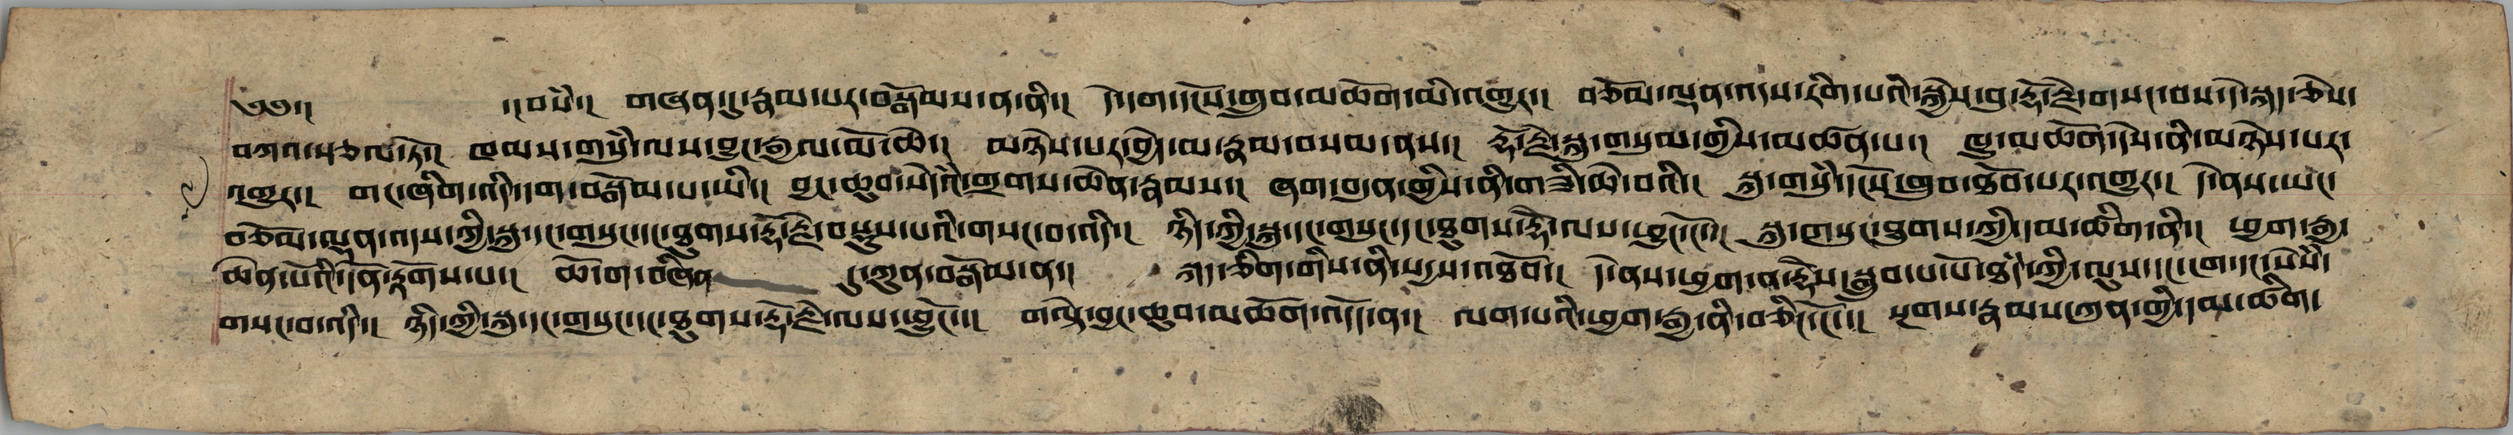༄༅་། ་།བསཾ་། གཞན་དུ་རྣམ་པར་བསྒོམས་ན་ནི་། དེ་དག་དངོས་གྲུབ་མཆོག་མི་འགྱུར་། བཅོམ་ལྡན་འདས་རིག་པའི་སྐྱེས་བུ་རྡོ་རྗེ་གསང་བས་དེ་སྐད་ཅེས་
བཀའ་སྩལ་ཏོ་། ཁམས་གསུཾ་ལས་བྱུང་རྒྱལ་མོ་ཆེ་། མཉེས་པར་བྱེད་མ་རྣམ་བསམ་ནས་། རྡོ་རྗེ་སྐུ་གསུམ་གྱིས་མཚན་པ་། ཁྱུ་མཆོག་དེས་ནི་མཉེས་པར་
འགྱུར་། གང་ཞིག་འདི་དག་བསྒོམ་པ་ཡི་། བྱང་ཆུབ་སེདཾའ་གྲགས་ཆེན་རྣམས་། ཞག་བདུན་གྱིས་ནི་གཟི་ཆེ་བའི་། སྐུ་གསུཾ་དངོས་གྲུབ་ཐོབ་པར་འགྱུར་། དེ་ནས་ཡང་
བཅོམ་ལྡན་འདས་ཀྱི་སྐུ་དང་གསུང་དང་ཐུགས་རྡོ་རྗེ་བསྡུས་པའི་གསང་བ་འདི་། ཉིད་ཀྱི་སྐུ་དང་གསུང་དང་ཐུགས་རྡོེ་ལས་ཕྱུང་ངོ་་། སྐུ་གསུང་ཐུགས་ཀྱི་དམ་ཚིག་ནི་། ཕྱག་རྒྱ་
ཆེན་པོའི་དོན་རྟོགས་པ་། ཆོ་ག་བཞིན་ དུ་ཀུན་བསྒོམ་ན་། སྐད་ཅིག་གིས་ནི་སདྱས་འཐོབ་། དེ་ནས་ཕྱག་ན་རྡོེས་སྒྲུབ་པ་པོ་ཐཾད་ཀྱི་ལུས་དང་ངག་དང་སེསཾ་
གསང་བ་འདི་། ཉིད་ཀྱི་སྐུ་དང་གསུང་དང་ཐུགས་རྡོ་རྗེ་ལས་ཕྱུངོ་་། གལྟེ་བྱང་ཆུབ་མཆོག་འདོད་ན་། ལག་པའི་ཕྱག་རྒྱ་ནི་བཅིང་ངོ་་། སྔགས་རྣམས་ཀུན་གྱི་དམ་ཚིག་